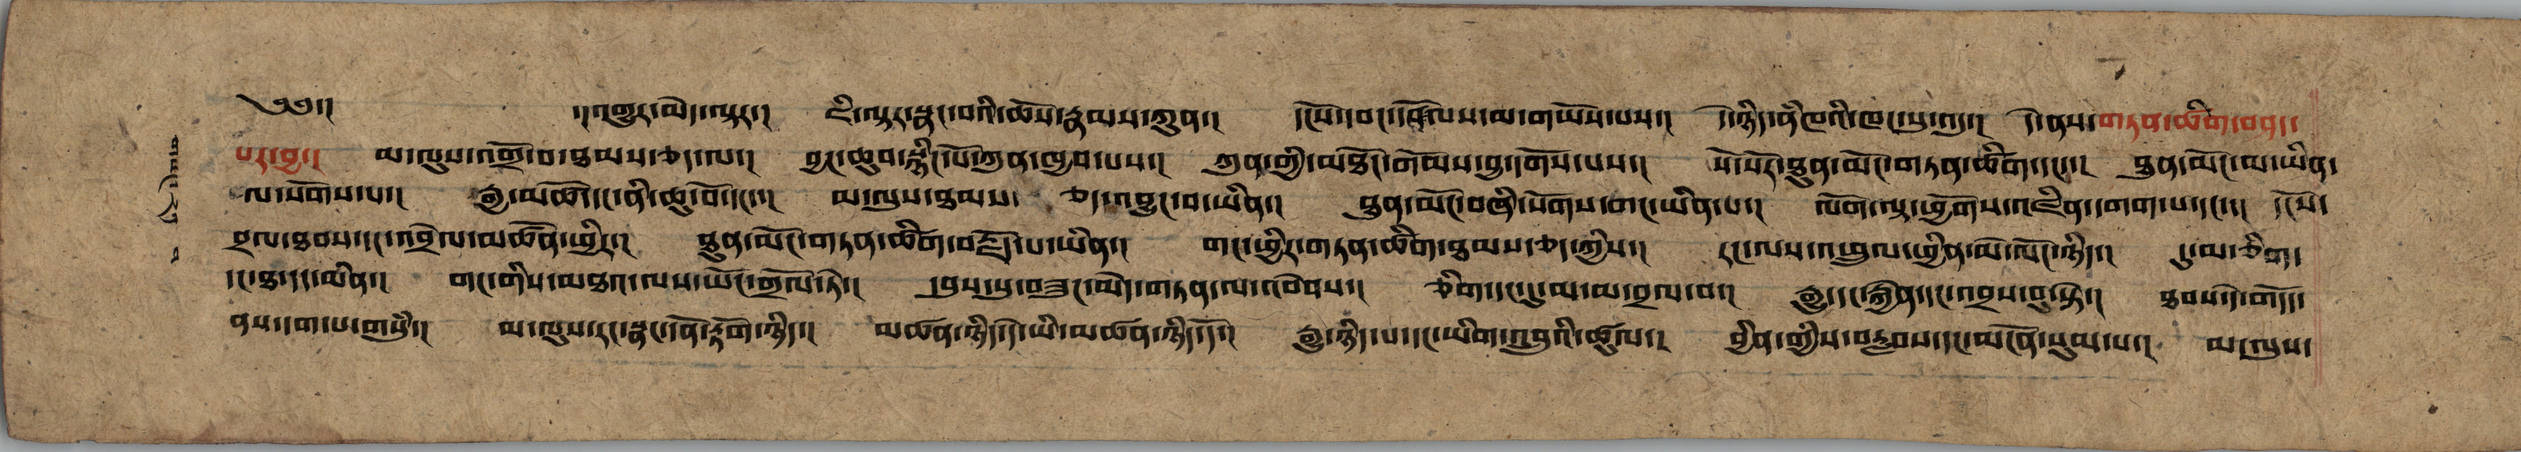༄༅་། ་།འགྱུར་མེད་ལྟར་། ཇི་ལྟར་སྣང་བའི་ཆོས་རྣམས་ཀུན་། དངོས་དབང་དོན་ལས་མ་གཡོས་པས་། དེ་ཉིད་ནཾཁའི་ཁང་སུ་འདུ་། དེ་ནས་གཏན་ཚིག་བཤད་
པར་བྱ་། མ་ལུས་འགྲོ་བ་ཐམས་ཅད་ལ་། བྱང་ཆུབ་སྙིང་པོ་ཀུན་ཁྱབ་པས་། ཀུན་གྱི་མཐོང་གོམས་བྱ་དགོས་པས་། སོ་སོར་ཐུན་མོང་གཏན་ཚིག་དང་་། ཐུན་མོང་མ་ཡིན་
ལ་སོགས་པ་། རྒྱ་མཚོ་དང་ནི་ཆུ་བོ་དང་་། མ་ལུས་ཐམས་ ཅད་འབྱུང་བ་ཡིན་། ཐུན་མོང་བཞི་སོགས་གང་ཡིན་པ་། ལོག་ལྟ་ཕྱོགས་འཛིན་དགག་པ་དང་་། དངོས་
བྲལ་ཐབས་དང་འབྲེལ་མཚོན་ཕྱིར་། ཐུན་མོང་གཏན་ཚིག་བརྗོད་པ་ཡིན་། གང་ཕྱིར་གཏན་ཚིག་ཐམས་ཅད་ཀྱིས་། རང་ལས་འཕྲུལ་ཕྱིན་མེ་ལོང་ཉིད་། དུ་མ་ཅིག་
དང་ཐ་དད་མིན་། གང་གིས་མཐའ་ལས་ཡོང་གྲོལ་ཏེ་། དབུས་སུ་བཟུང་མེད་གཏན་ལ་འབེབས་། ཅིག་དང་དུ་མ་མ་བྲལ་བ་། རྒྱུ་དང་རྐྱེན་དང་འབྲས་བུ་སྟེ་། ཐབས་དེ་གདོད་
ནས་དག་པ་གསུཾ་། མ་ལུས་རང་སྣང་དོན་རྟོག་ཉིད་། མཚན་ཉིད་དེ་ཡིི་མཚན་ཉིད་དོ་། རྒྱུ་ཉིད་པ་དང་ཡིག་འབྲུའི་ཚུལ་། བྱིན་གྱིས་བརླབས་དང་མངོན་སུམ་པ་། མ་ལུས་